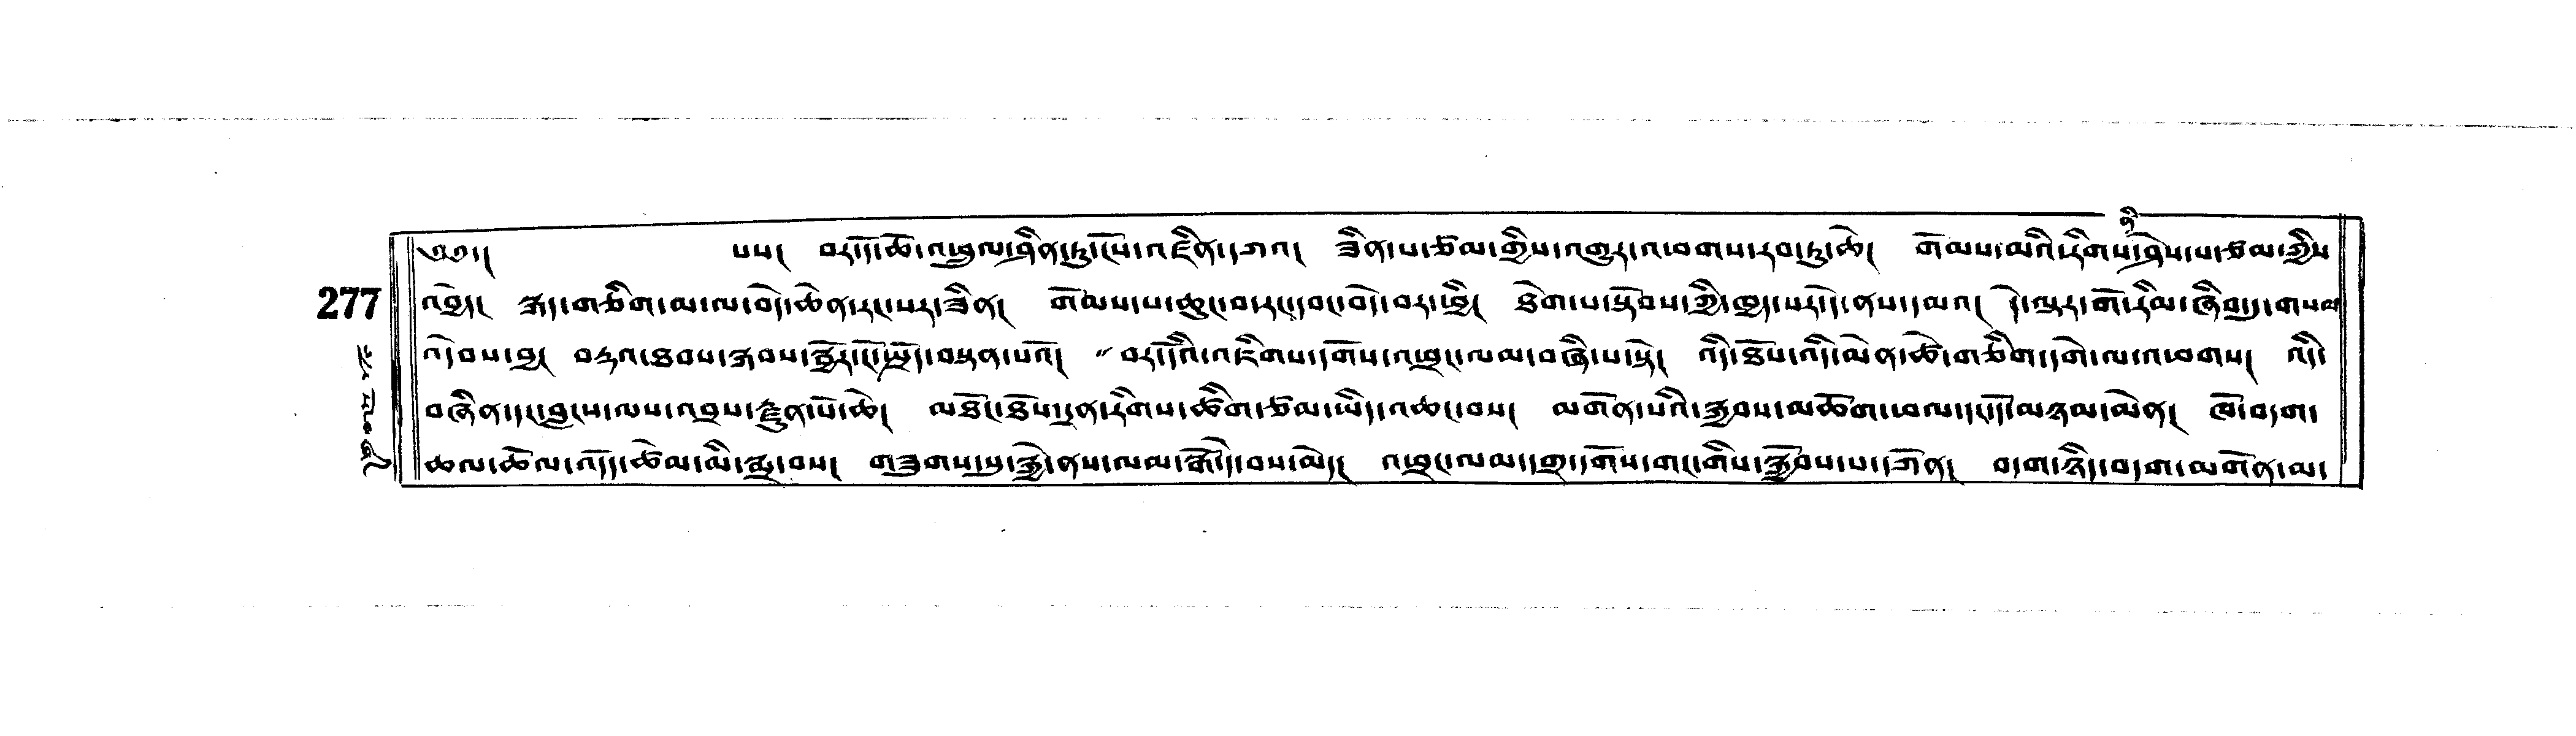པས། བར་དོ་ཆོ་འཕྲུལ་ཤིན་ཏུ་ངོས་འཛིན་དཀའ། ཟིན་པ་ཙམ་གྱིས་འགྱུར་འཕགས་རབ་ཏུ་ཆེ། གོམས་མའི་རིགས་ན་ཤེས་པ་ཙམ་གྱིས
འབྱེད། སྐད་ཅིག་མ་ལ་བདེ་ཆེན་རང་སར་ཟིན། གོམས་པ་ཆུང་བ་རང་དབང་བདེ་བར་ཕྱི། ཐེག་པ་སྟོབས་ཀྱི་ཁྱད་པར་དེ་ནས་དམའ། དེ་ལྟར་གོ་རིམ་ཞིབ་ཏུ་གསལ་
འདེབས་བྱ། བརྡ་ཐབས་སྐབས་སྦྱོར་ངོ་སྤྲོད་བསྟན་པའོ། ༧ བར་དོའི་འཇིགས་དགོས་འཕྲང་ལམ་བཞི་པ་སྟེ། འདི་ཐོས་འདི་མེན་ཚེ་གཅིག་དགེ་ལ་འཕགས། འདི་
བཞིན་དང་བླང་ལས་འབྲས་རྫུན་པོ་ཆེ། མཐོང་ཐོས་དྲན་རིག་ཚིག་ཙམ་ཡིད་འཆང་བས། མགོན་པའི་སྐྱབས་མཆོག་ཚིག་ཙམ་དོ་མཉམ་མིན། ཁོ་དག་
འཆལ་འཆོལ་འདོད་ཚོམ་མི་སྨྲ་བས། གཟུགས་སུ་སྐྱེ་ནས་ལམ་སྒོ་དེ་བས་མེད། འཕྲང་ལམ་དགྲ་དགོས་གང་གིས་སྐྱོབས་པ་དཀོན། བདག་ཉིད་བདག་མགོན་མ་